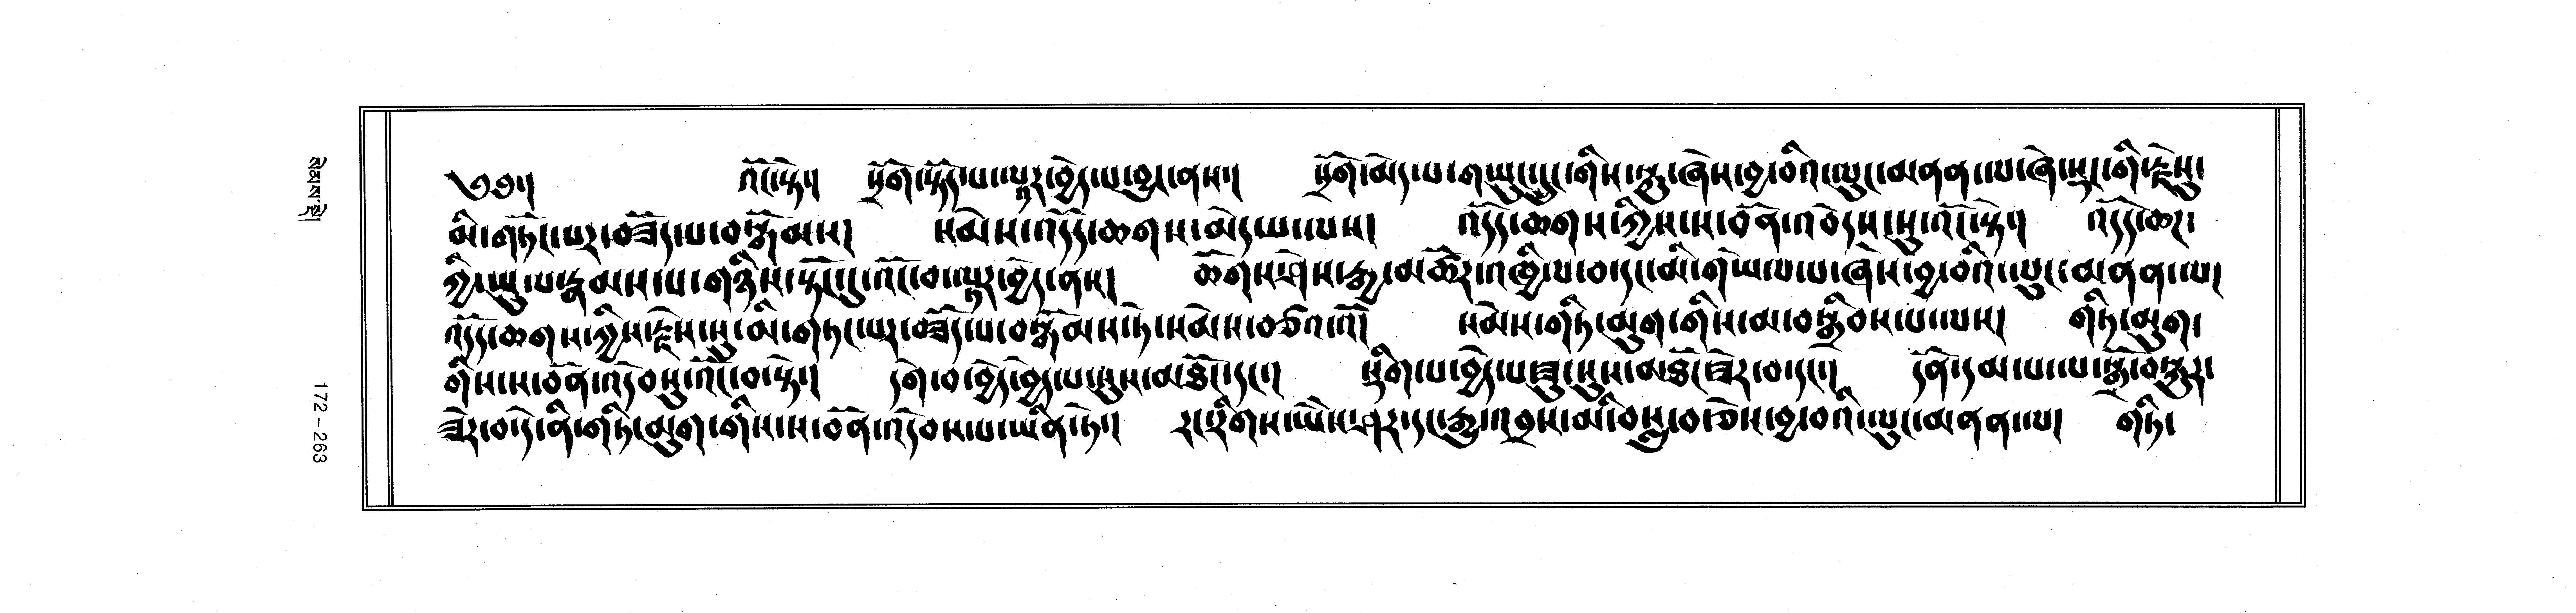སྲོག་སྟོད་པ་ལྟར་བྱེད་པ་བྱུང་ནས། སྲོག་མེད་པ་གཡུང་དྲུང་གིས་སྐུ་ཞེས་བྱ་བའི་ལུང་མནན་ལ་ཞེ་སྡང་གི་རྗེས་སུ་
མི་གཏོང་པར་བཟོད་པ་བསྒོམས། སེམས་འདོད་ཆགས་མེད་པ་ལས། འདོད་ཆགས་ཀྱིས་ས་བོན་འདེབས་སུ་འོང་སྟེ། འདོད་ཆགས་
ཀྱི་ཡུལ་རྣམ་པ་གཉིས་སྟོང་དུ་འོང་བ་ལྟར་བྱེད་ནས། ཆོགས་ཤེས་རྒྱ་མཚོར་འཁྱིལ་བ་དང་མི་གཡེལ་པ་ཞེས་བྱ་བའི་ལུང་མནན་ལ། 
འདོད་ཆགས་ཀྱིས་རྗེས་སུ་མི་གཏང་པར་བཟོད་པ་བསྒོམས་ཏེ་སེམས་བཙའ་འོ། སེམས་གཏི་མུག་གིས་མ་བསྒྲིབས་པ་ལས། གཏི་མུག་
གིས་སོ་བོན་འདེབས་སུ་འོང་བ་སྟེ། དགེ་བ་བྱེད་པ་སུས་མཐོང་དང་། སྡིག་པ་བྱེད་པ་ཟུ་སུས་མཐོང་ཟེར་བ་དང་། དོན་དམ་པ་ལ་སྒྲོ་བསྐུར་
ཟེར་བ་དེ་ནི་གཏི་མུག་གིས་ས་བོན་འདེབས་པ་ཡིན་ཏེ། རང་རིག་ཡེ་ཤེས་ཤར་དང་རྒྱུ་འབྲས་མི་བསླུ་བ་ཅེས་བྱ་བའི་ལུང་མནན་ལ། གཏི་